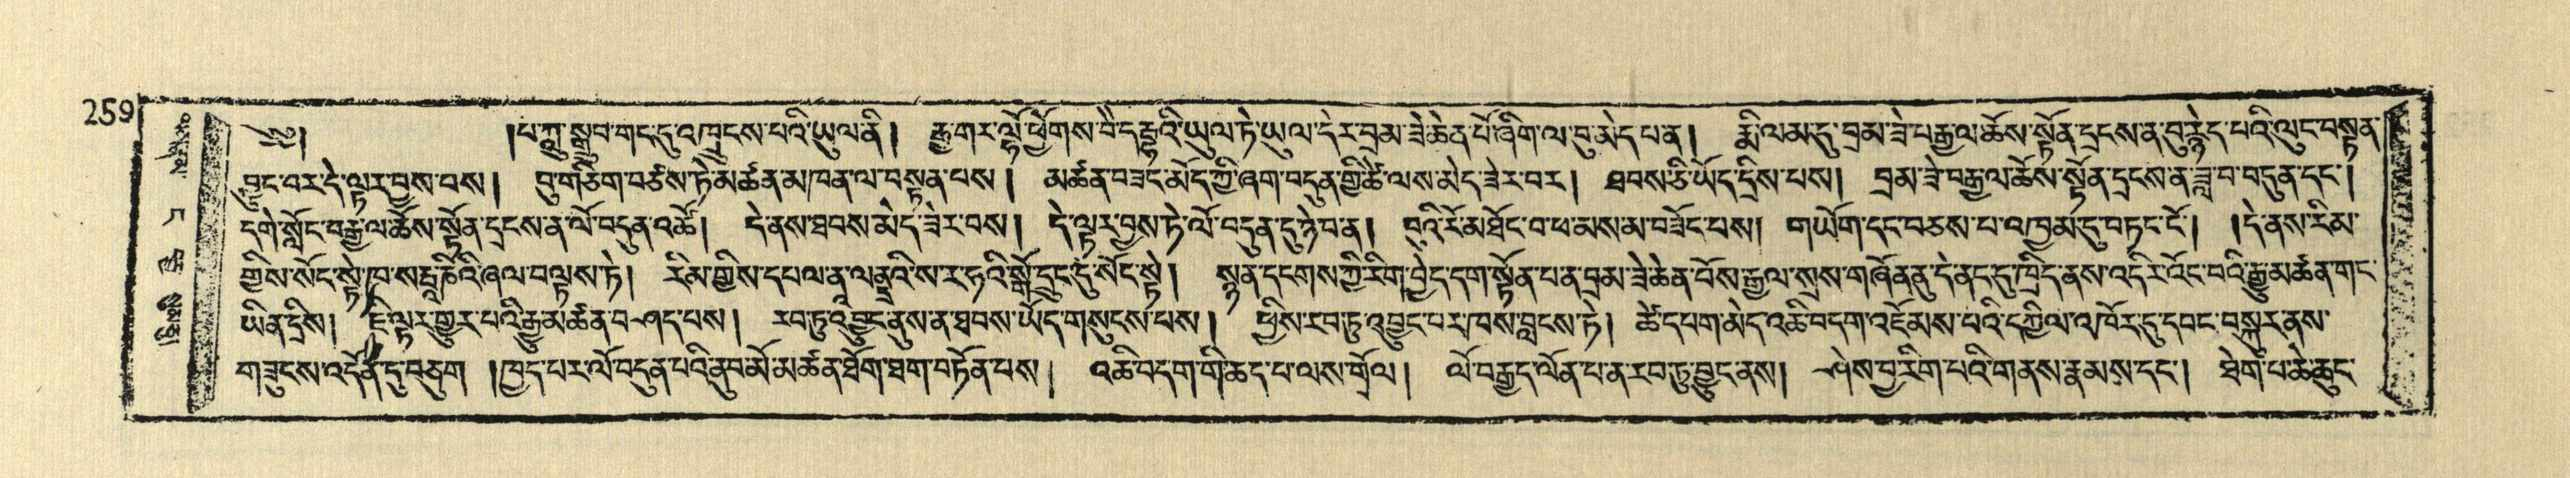༄༅། །པ་ཀླུ་སྒྲུབ་གང་དུ་འཁྲུངས་པའི་ཡུལ་ནི། རྒྱ་གར་ལྷོ་ཕྱོགས་བཻ་དརྒྷའི་ཡུལ་ཏེ་ཡུལ་དེར་བྲམ་ཟེ་ཆེན་པོ་ཞིག་ལ་བུ་མེད་པ་ན། རྨི་ལམ་དུ་བྲམ་ཟེ་པ་རྒྱལ་ཆོས་སྟོན་དྲངས་ན་བུ་རྙེད་པའི་ལུང་བསྟན་
བྱུང་བར་དེ་ལྟར་བྱས་པས། བུ་གཅིག་བཙས་ཏེ་མཚན་མཁན་ལ་བསྟན་པས། མཚན་བཟང་མོད་ཀྱི་ཞག་བདུན་གྱི་ཚེ་ལས་མེད་ཟེར་བར། ཐབས་ཅི་ཡོད་དྲིས་པས། བྲམ་ཟེ་བརྒྱ་ལ་ཆོས་སྟོན་དྲངས་ན་ཟླ་བ་བདུན་དང་།
དགེ་སློང་བརྒྱ་ལ་ཆོས་སྟོན་དྲངས་ན་ལོ་བདུན་འཚོ། དེ་ནས་ཐབས་མེད་ཟེར་བས། དེ་ལྟར་བྱས་ཏེ་ལོ་བདུན་དུ་ཉེ་བ་ན། བུའི་རོ་མཐོང་བ་ཕ་མས་མ་བཟོད་པས། གཡོག་དང་བཅས་པ་འཁྱམ་དུ་བཏང་ངོ། །དེ་ནས་རིམ་
གྱིས་སོང་སྟེ་ཁ་སརྦཱ་ཎིའི་ཞལ་བལྟས་ཏེ། རིམ་གྱིས་དཔལ་ནཱ་ལནྡྲའི་ས་ར་ཧའི་སྒོ་དྲུང་དུ་སོང་སྟེ། སྙན་དངགས་ཀྱི་རིག་བྱེད་དག་སྟོན་པ་ན་བྲམ་ཟེ་ཆེན་པོས་རྒྱལ་སྲས་གཞོན་ནུ་དེ་ནང་དུ་ཁྲིད་ནས་འདིར་འོང་བའི་རྒྱུ་མཚན་གང་
ཡིན་དྲིས། ཇི་ལྟར་གྱུར་པའི་རྒྱུ་མཚན་བཤད་པས། རབ་ཏུ་འབྱུང་ནུས་ན་ཐབས་ཡོད་གསུངས་པས། ཕྱིས་རབ་ཏུ་འབྱུང་བར་ཁས་བླངས་ཏེ། ཚེ་དཔག་མེད་འཆི་བདག་འཇོམས་པའི་དཀྱིལ་འཁོར་དུ་དབང་བསྐུར་ནས་
གཟུངས་འདོན་དུ་བཅུག །ཁྱད་པར་ལོ་བདུན་པའི་ནུབ་མོ་མཚན་ཐོག་ཐག་བཏོན་པས། འཆི་བདག་གི་ཆད་པ་ལས་གྲོལ། ལོ་བརྒྱད་ལོན་པ་ན་རབ་ཏུ་བྱུང་ནས། ཤེས་བྱ་རིག་པའི་གནས་རྣམས་དང་། ཐེག་པ་ཆེ་ཆུང་